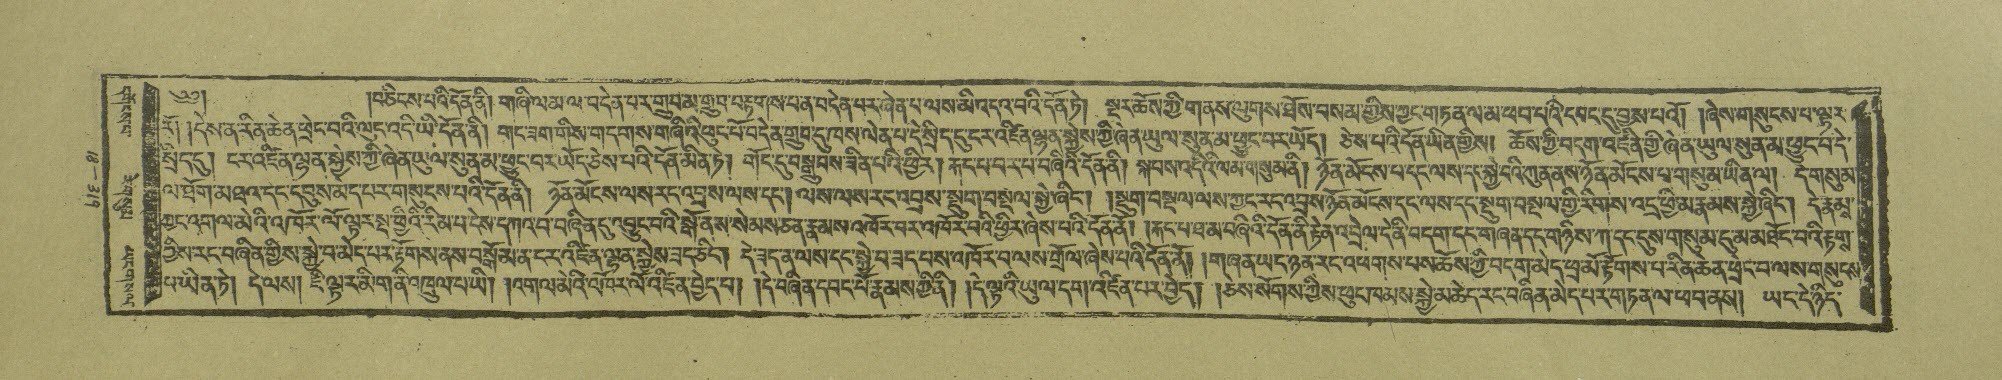༄༅། །བཅིངས་པའི་དོན་ནི། གཞི་ལམ་ལ་བདེན་པར་གྲུབ་མ་གྲུབ་བརྟགས་པ་ན་བདེན་པར་ཞེན་པ་ལས་མི་འདའ་བའི་དོན་ཏེ། སྔར་ཆོས་ཀྱི་གནས་ལུགས་ཐོས་བསམ་གྱིས་ཀྱང་གཏན་ལ་མ་ཕབ་པའི་དབང་དུ་བྱས་པའོ། །ཞེས་གསུངས་པ་ལྟར་
རོ། །དེས་ན་རིན་ཆེན་ཕྲེང་བའི་ལུང་འདི་ཡི་དོན་ནི། གང་ཟག་གིས་གདགས་གཞིའི་ཕུང་པོ་བདེན་གྲུབ་དུ་ཁས་ལེན་པ་དེ་སྲིད་དུ་ངར་འཛིན་ལྷན་སྐྱེས་ཀྱི་ཞེན་ཡུལ་སུན་མ་ཕྱུང་བར་ཡོད། ཅེས་པའི་དོན་ཡིན་གྱིས། ཆོས་ཀྱི་བདག་འཛིན་གྱི་ཞེན་ཡུལ་སུན་མ་ཕྱུང་བ་དེ་
སྲིད་དུ། ངར་འཛིན་ལྷན་སྐྱེས་ཀྱི་ཞེན་ཡུལ་སུན་མ་ཕྱུང་བར་ཡོད་ཅེས་པའི་དོན་མིན་ཏེ། གོང་དུ་བསྒྲུབས་ཟིན་པའི་ཕྱིར། རྐང་པ་བར་པ་བཞིའི་དོན་ནི། སྐབས་འདིའི་ལམ་གསུམ་ནི། ཉོན་མོངས་པ་དང་ལས་དང་སྐྱེ་བའི་ཀུན་ནས་ཉོན་མོངས་པ་གསུམ་ཡིན་ལ། དེ་གསུམ་
ལ་ཐོག་མཐའ་དང་དབུས་མེད་པར་གསུངས་པའི་དོན་ནི། ཉོན་མོངས་ལས་རང་འབྲས་ལས་དང་། ལས་ལས་རང་འབྲས་སྡུག་བསྔལ་སྐྱེ་ཞིང་། །སྡུག་བསྔལ་ལས་ཀྱང་རང་འབྲས་ཉོན་མོངས་དང་ལས་དང་སྡུག་བསྔལ་གྱི་རིགས་འདྲ་ཕྱི་མ་རྣམས་སྐྱེ་ཞིང་། དེ་རྣམས་
ཀྱང་འགལ་མེའི་འཁོར་ལོ་ལྟར་སྔ་ཕྱིའི་རིམ་པ་ངེས་དཀའ་བ་བཞིན་དུ་འབྱུང་བའི་སྒོ་ནས་སེམས་ཅན་རྣམས་འཁོར་བར་འཁོར་བའི་ཕྱིར་ཞེས་པའི་དོན་ནོ། །རྐང་པ་ཐ་མ་བཞིའི་དོན་ནི་རྟེན་འབྲེལ་དེ་ནི་བདག་དང་གཞན་དང་གཉིས་ཀ་དང་དུས་གསུམ་དུ་མ་མཐོང་བའི་རྟགས་
ཀྱིས་རང་བཞིན་གྱིས་སྐྱེ་བ་མེད་པར་རྟོགས་ནས་བསྒོམ་ན་ངར་འཛིན་ལྷན་སྐྱེས་ཟད་ཅིང་། དེ་ཟད་ན་ལས་དང་སྐྱེ་བ་ཟད་པས་འཁོར་བ་ལས་གྲོལ་ཞེས་པའི་དོན་ནོ། །གཞན་ཡང་ཉན་རང་འཕགས་པས་ཆོས་ཀྱི་བདག་མེད་ཕྲ་མོ་རྟོགས་པ་རིན་ཆེན་ཕྲེང་བ་ལས་གསུངས་
པ་ཡིན་ཏེ། དེ་ལས། ཇི་ལྟར་མིག་ནི་འཁྲུལ་པ་ཡི། །འགལ་མེའི་འཁོར་ལོ་འཛིན་བྱེད་པ། །དེ་བཞིན་དབང་པོ་རྣམས་ཀྱི་ནི། །དེ་ལྟའི་ཡུལ་དག་འཛིན་པར་བྱེད། །ཅེས་སོགས་ཀྱིས་ཕུང་ཁམས་སྐྱེ་མཆེད་རང་བཞིན་མེད་པར་གཏན་ལ་ཕབ་ནས། ཡང་དེ་ཉིད་